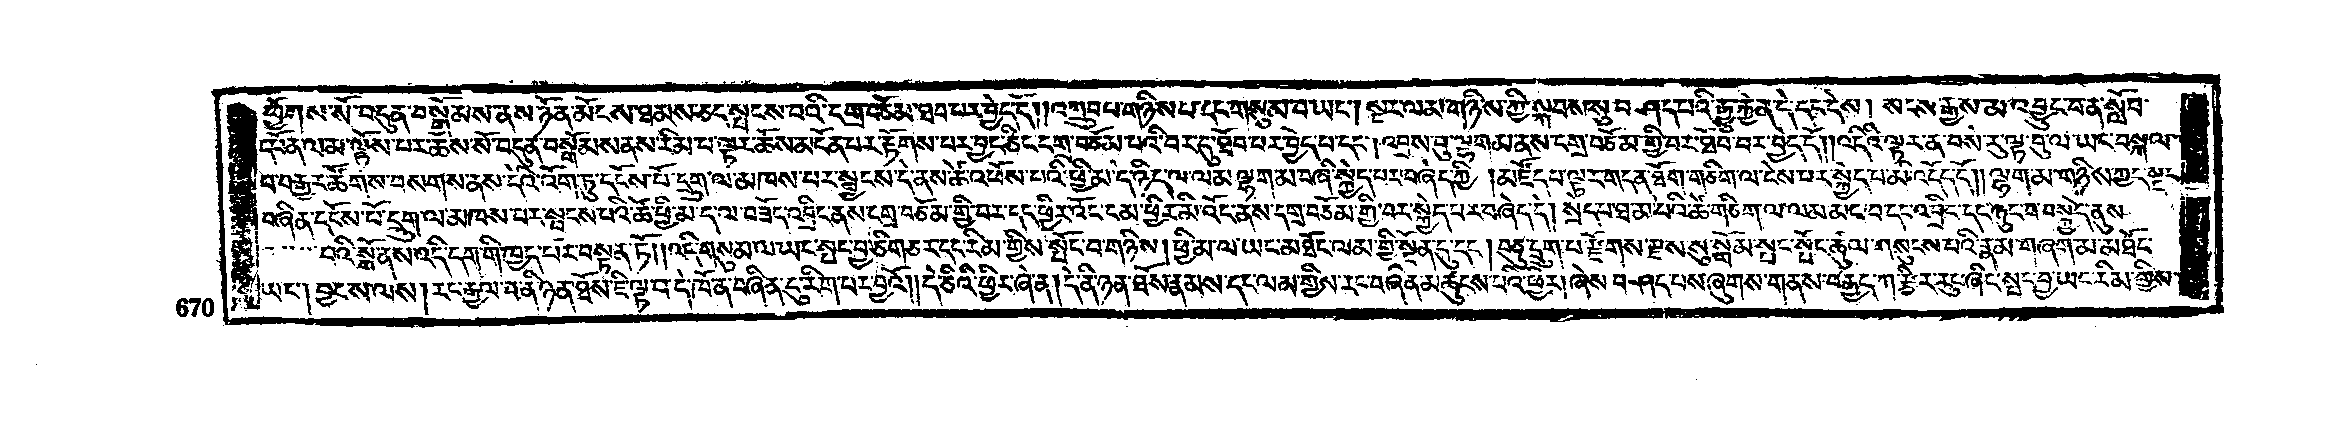ཕྱོགས་སོ་བདུན་བསྒོམས་ནས་ཉོན་མོངས་ཐམས་ཅད་སྤངས་པའི་དགྲ་བཅོམ་ཐོབ་པར་བྱེད་དོ། །འགྲུབ་པ་གཉིས་པ་དང་གསུམ་པ་ཡང་། སྔར་ལམ་གཉིས་ཀྱི་སྐབས་སུ་བཤད་པའི་རྒྱུ་རྐྱེན་དེ་དང་དེས། སངས་རྒྱས་མི་འབྱུང་བ་ན་སློབ་
དཔོན་ལ་མ་ལྟོས་པར་ཆོས་སོ་བདུན་བསྒོམས་ནས་རིམ་པ་ལྟར་ཆོས་མངོན་པར་རྟོགས་པར་བྱེད་ཅིང་དགྲ་བཅོམ་པའི་བར་དུ་ཐོབ་པར་བྱེད་པ་དང་། འབྲས་བུ་ལྷག་མ་ནས་དགྲ་བཅོམ་གྱི་བར་ཐོབ་པར་བྱེད་དོ། །འདིའི་ལྟར་ན་བསེ་རུ་ལྟ་བུ་ལ་ཡང་བསྐལ་
པ་བརྒྱར་ཚོགས་བསགས་ནས་དེའི་འོག་ཏུ་དངོས་པོ་དྲུག་ལ་མཁས་པར་སྦྱངས་དེ་ནས་ཚེ་འཕོས་པའི་ཕྱི་མ་དེ་ཉིད་ལ་ལམ་ལྷག་མ་བཞི་སྐྱེད་པར་བཞེད་ཀྱི། མཛོད་པ་ལྟར་གདན་ཐོག་གཅིག་ལ་ངེས་པར་སྐྱེད་པ་མི་འདོད་དོ། །ལྷག་མ་གཉིས་ཀྱང་སྔར་
བཞིན་དངོས་པོ་དག་ལ་མཁས་པར་སྦྱངས་པའི་ཚེ་ཕྱི་མ་དེ་ལ་བཟོད་འབྲིང་ནས་དགྲ་བཅོམ་གྱི་བར་དང་ཕྱིར་འོང་ངམ་ཕྱིར་མི་འོང་ནས་དགྲ་བཅོམ་ཀྱི་བར་སྐྱེད་པར་བཞེད་དེ། སྲེད་པ་ཐ་མ་པའི་ཚེ་གཅིག་ལ་ལམ་མང་བ་དང་འབྲིང་དང་ཉུང་བ་བསྐྱེད་ནུས་
པའི་སྒོ་ནས་འདི་དག་གི་ཁྱད་པར་བསྟན་ཏོ། །འདི་གསུམ་ལ་ཡང་སྤང་བྱ་ཅིག་ཅར་དང་རིམ་གྱིས་སྤོང་བ་གཉིས། ཕྱི་མ་ལ་ཡང་མཐོང་ལམ་གྱི་སྔོན་དུ་དང་། བཅུ་དྲུག་པ་རྫོགས་རྗེས་སུ་སྒོམ་སྤང་སྤོང་ཚུལ་གསུངས་པའི་རྣམ་གཞག་མ་མཐོང་
ཡང་། བྱངས་ལས། རང་རྒྱལ་བ་ནི་ཉན་ཐོས་ཇི་ལྟ་བ་དེ་ཁོ་ན་བཞིན་དུ་རིག་པར་བྱའོ། །དེ་ཅིའི་ཕྱིར་ཞེ་ན། དེ་ནི་ཉན་ཐོས་རྣམས་དང་ལམ་གྱིས་རང་བཞིན་མཚུངས་པའི་ཕྱིར། ཞེས་བཤད་པས་ཞུགས་གནས་བརྒྱད་ཀ་རྩིར་རུང་ཞིང་སྤང་བྱ་ཡང་རིམ་གྱིས་